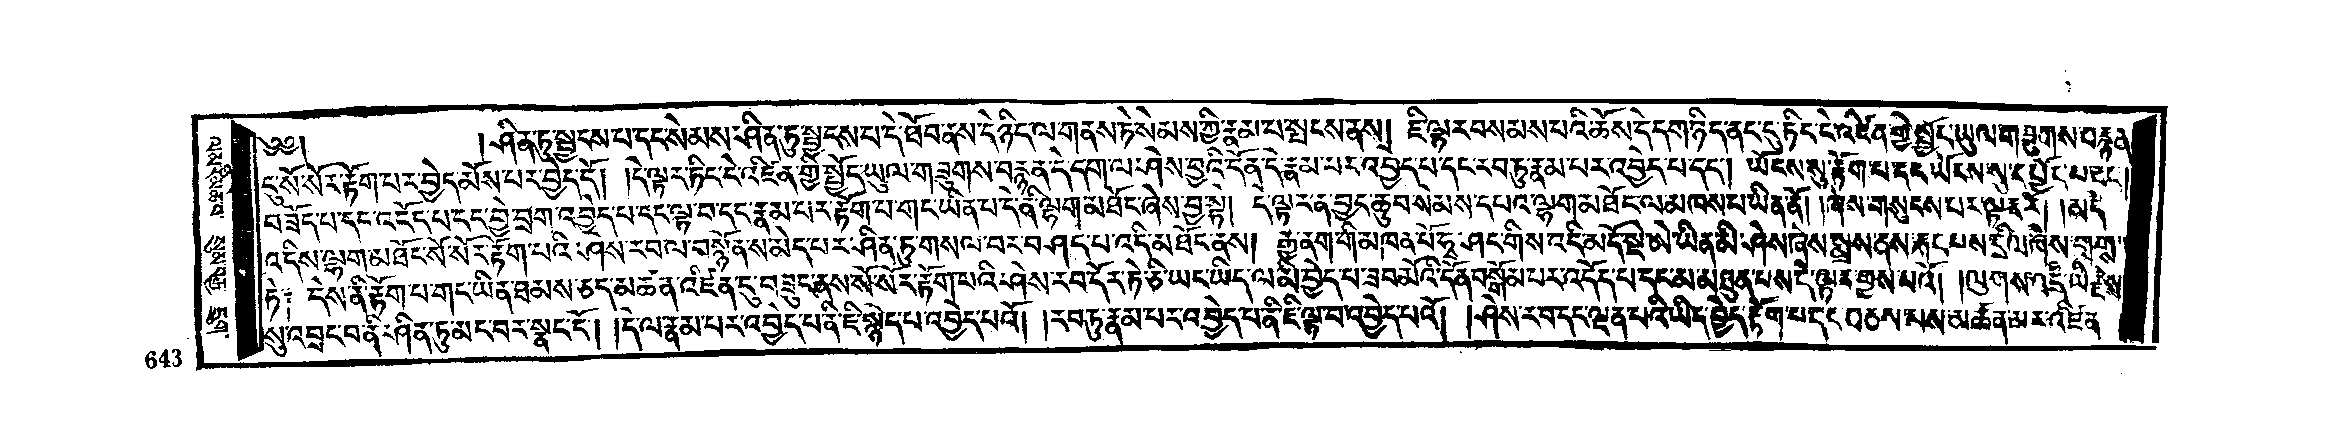༄༅། །ཤིན་ཏུ་སྦྱངས་པ་དང་སེམས་ཤིན་ཏུ་སྦྱངས་པ་དེ་ཐོབ་ནས་དེ་ཉིད་ལ་གནས་ཏེ་སེམས་ཀྱི་རྣམ་པ་སྤངས་ནས། ཇི་ལྟར་བསམས་པའི་ཆོས་དེ་དག་ཉིད་ནང་དུ་ཏིང་ངེ་འཛིན་གྱི་སྤྱོད་ཡུལ་གཟུགས་བརྙན་
དུ་སོ་སོར་རྟོག་པར་བྱེད་མོས་པར་བྱེད་དོ། །དེ་ལྟར་ཏིང་ངེ་འཛིན་གྱི་སྤྱོད་ཡུལ་གཟུགས་བརྙན་དེ་དག་ལ་ཤེས་བྱའི་དོན་དེ་རྣམ་པར་འབྱེད་པ་དང་རབ་ཏུ་རྣམ་པར་འབྱེད་པ་དང་། ཡོངས་སུ་རྟོག་པ་དང་ཡོངས་སུ་དཔྱོད་པ་དང་།
བཟོད་པ་དང་འདོད་པ་དང་བྱེ་བྲག་འབྱེད་པ་དང་ལྟ་བ་དང་རྣམ་པར་རྟོག་པ་གང་ཡིན་པ་དེ་ནི་ལྷག་མཐོང་ཞེས་བྱ་སྟེ། དེ་ལྟར་ན་བྱང་ཆུབ་སེམས་དཔའ་ལྷག་མཐོང་ལ་མཁས་པ་ཡིན་ནོ། །ཞེས་གསུངས་པར་ལྟར་རོ། །མདོ་
འདིས་ལྷག་མཐོང་སོ་སོར་རྟོག་པའི་ཤེས་རབ་ལ་བསྙོན་ས་མེད་པར་ཤིན་ཏུ་གསལ་བར་བཤད་པ་འདི་མཐོང་ནས། རྒྱ་ནག་གི་མཁན་པོ་ཧྭ་ཤང་གིས་འདི་མདོ་སྡེ་ཨེ་ཡིན་མི་ཤེས་ཞེས་སྨྲས་ནས་རྐང་པས་དྲིལ་ཞེས་གྲགས་
ཏེ༑ དེས་ནི་རྟོག་པ་གང་ཡིན་ཐམས་ཅད་མཚན་འཛིན་དུ་བཟུང་ནས་སོ་སོར་རྟོག་པའི་ཤེས་རབ་དོར་ཏེ་ཅི་ཡང་ཡིད་ལ་མི་བྱེད་པ་ཟབ་མོའི་དོན་བསྒོམ་པར་འདོད་པ་དང་མ་མཐུན་པས་དེ་ལྟར་བྱས་པའོ། །ལུགས་འདི་ཡི་རྗེས་
སུ་འབྲང་བ་ནི་ཤིན་ཏུ་མང་བར་སྣང་ངོ། །དེ་ལ་རྣམ་པར་འབྱེད་པ་ནི་ཇི་སྙེད་པ་འབྱེད་པའོ། །རབ་ཏུ་རྣམ་པར་འབྱེད་པ་ནི་ཇི་ལྟ་བ་འབྱེད་པའོ། །ཤེས་རབ་དང་ལྡན་པའི་ཡིད་བྱེད་རྟོག་པ་དང་བཅས་པས་མཚན་མར་འཛིན་